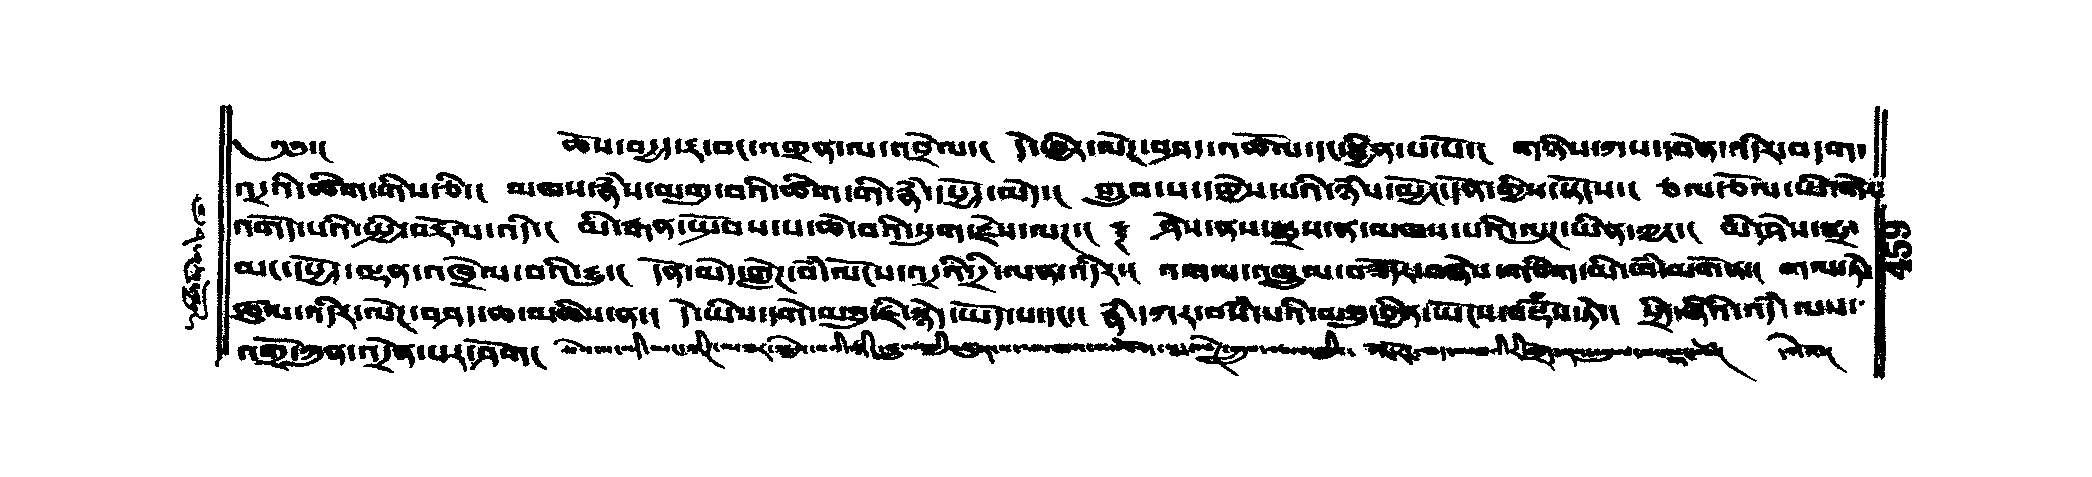ཆོས་བརྒྱད་རྟ་བང་འགྲན་ལ་བྲེལ། །དེ་ཕྱིར་ལེགས་བཤད་འཚོལ་དང་སྦྱིན་པ་པོ། །གཉིས་ཀས་དབེན་འདིར་བདག་
འདྲའི་ཚིག་གིས་ཅི། །མཁས་རྣམས་མགུ་བའི་ཚིག་གི་རྣམ་དཔྱོད་མེད། །གྲུབ་པ་དགྱེས་པའི་ཉམས་མྱོང་དོན་གྱིས་སྟོངས། །ཅལ་ཅོལ་ཡི་གེར་
འགོད་པའི་སྤྱི་བརྟོལ་འདི། །མི་རྒན་སྤོབས་པ་ཆེ་བའི་སུག་རྗེས་ལགས། །ཤེས་ནས་སྨྲས་ན་མཁས་པའི་ལུགས་ཡིན་ཀྱང་། །མི་ཤེས་སྨྲ་
མང་དཔྱོད་ལྡན་འཁྲེལ་བའི་རྒྱུ། །དོན་མེད་གླེགས་བམ་ལོངས་འདྲའི་དྲི་ལན་འདིར། །འགལ་འཁྲུལ་བཟོད་པར་བཞེས་གཅིག་མི་ཕམ་མགོན། །གལ་ཏེ་
ཚུལ་འདིར་ལེགས་བཤད་ཆ་མཆིས་ན། །དེ་ཡིས་དགེ་མཐུ་ཇི་སྙེད་ཡོད་པ་དང་། །རྣམ་དཀར་བསམ་པའི་མཐུ་བྱིན་ཡོངས་བསྡོམས་ཏེ། །སྲིད་ཞིའི་འདམ་ལས་
འགྲོ་ཀུན་འདྲེན་པར་ཤོག ཅེས་པ་འདི་ཡང་སྙིགས་མཐར་སྐྱེས་པའི་རྙིང་ཧྲུལ་གྱི་བཙུན་པ་མཁས་མཆོག་པདྨ་ལེགས་གྲུབ་རྩལ་གྱིས་ཀོང་རོང་ཟད་མཐའི་རི་ཁྲོད་ནས་ཕུལ་བ་མངྒ་ལཾ།། དགེའོ།།